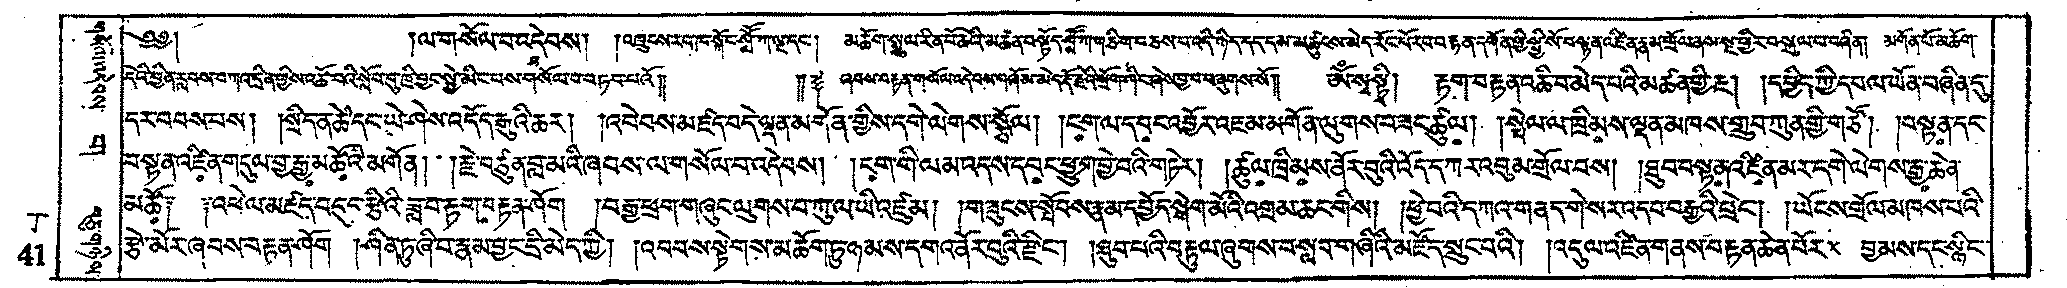༄༅། །ལ་གསོལ་བ་འདེབས། །འཁྲུངས་རབ་ཁ་སྐོང་ཤླཽ་ཀ་ལྔ་དང་། མཆོག་སྤྲུལ་རིན་པོ་ཆེའི་མཚན་བསྟོད་ཤླཽ་ཀ་གཅིག་བཅས་པ་འདི་ཉིད་དང་དམ་མཚུངས་མེད་རོང་པོ་རབ་བརྟན་དགོན་གྱི་སྤྱི་སོ་བསྟན་འཛིན་རྣམ་གྲོལ་ནས་སྔ་ཕྱིར་བསྐུལ་བ་བཞིན། མགོན་པོ་མཆོག་
དེའི་བྱིན་རླབས་བཀའ་དྲིན་གྱིས་འཚོ་བའི་སློབ་བུ་ཁྲི་བྱང་སྐྱེ་མིང་པས་གསོལ་བ་བཏབ་པའོ།། །། འ་ཞབས་བརྟན་གསོལ་འདེབས་གཞོམ་མེད་རྡོ་རྗེའི་སྲོག་ཤིང་ཞེས་བྱ་བ་བཞུགས་སོ།། ཨོཾ་སྭ་སྟྭི། རྟག་བརྟན་འཆི་བ་མེད་པའི་མཚན་གྱི་རྔ། །དཔྱིད་ཀྱི་དཔལ་ཡོན་བཞིན་དུ་
དར་བབས་པས། །སྲིད་ན་ཚེ་དང་ཡེ་ཤེས་འདོད་རྒུའི་ཆར། །འབེབས་མཛད་བདེ་ལྡན་མགོན་གྱིས་དགེ་ལེགས་སྩོལ། །ངག྾་ལ་དབང྾་འབྱོར་འཇམ་མགོན་ལུགས་བཟང་ཚུལ྾། །སྤེལ་ལ་ཁྲིམས྾་ལྡན་མཁས་གྲུབ་ཀུན་གྱི་གཙོ། །བསྟན་དང་
བསྟན་འཛིན྾་གདུལ་བྱ་རྒྱ྾་མཚོའི྾་མགོན། །རྗེ་བཙུན་བླ་མའི་ཞབས་ལ་གསོལ་བ་འདེབས། །ངག྾་གི་ལམ་འདས་དབང྾་ཕྱུག་བྱེ་བའི་གཏེར། །ཚུལ྾་ཁྲིམས྾་ནོར་བུའི་འོད་དཀར་འབུམ་གྲོལ་བས། །ཐུབ་བསྟན྾་འཛིན྾་མར་དགེ་ལེགས་རྒྱ྾་ཆེན་
མཚོ྾༑ ༑འཕེལ་མཛད་བདུད་རྩིའི་ཟླ་བ་རྟག་བརྟན་ཤོག །བརྒྱ་ཕྲག་གཞུང་ལུགས་བ་ཀུ་ལ་ཡི་འཛུམ། །གཟུངས་སྤོབས་རྣམ་དཔྱོད་སྒེག་མོའི་འགྲམ་ཆང་གིས། །ཕྱེ་བའི་དཀའ་གནད་གེ་སར་འདབ་བརྒྱའི་ཕྲེང་། །ཡོངས་གྲོལ་མཁས་པའི་
རྩེ་མོར་ཞབས་བརྟན་ཤོག །ཤིན་ཏུ་ཞི་བ་རྣམ་བྱང་དྲི་མེད་ཀྱི། །འབབས་སྟེགས་མཆོག་ཏུ་ཉམས་དགའ་ནོར་བུའི་རྫིང་། །ཐུབ་པའི་བརྟུལ་ཞུགས་བསླབ་གཞིའི་མཛོད་སྲུང་བའི། །འདུལ་འཛིན་གནས་བརྟན་ཆེན་པོར་྾་བྱམས་དང་སྙིང་་་